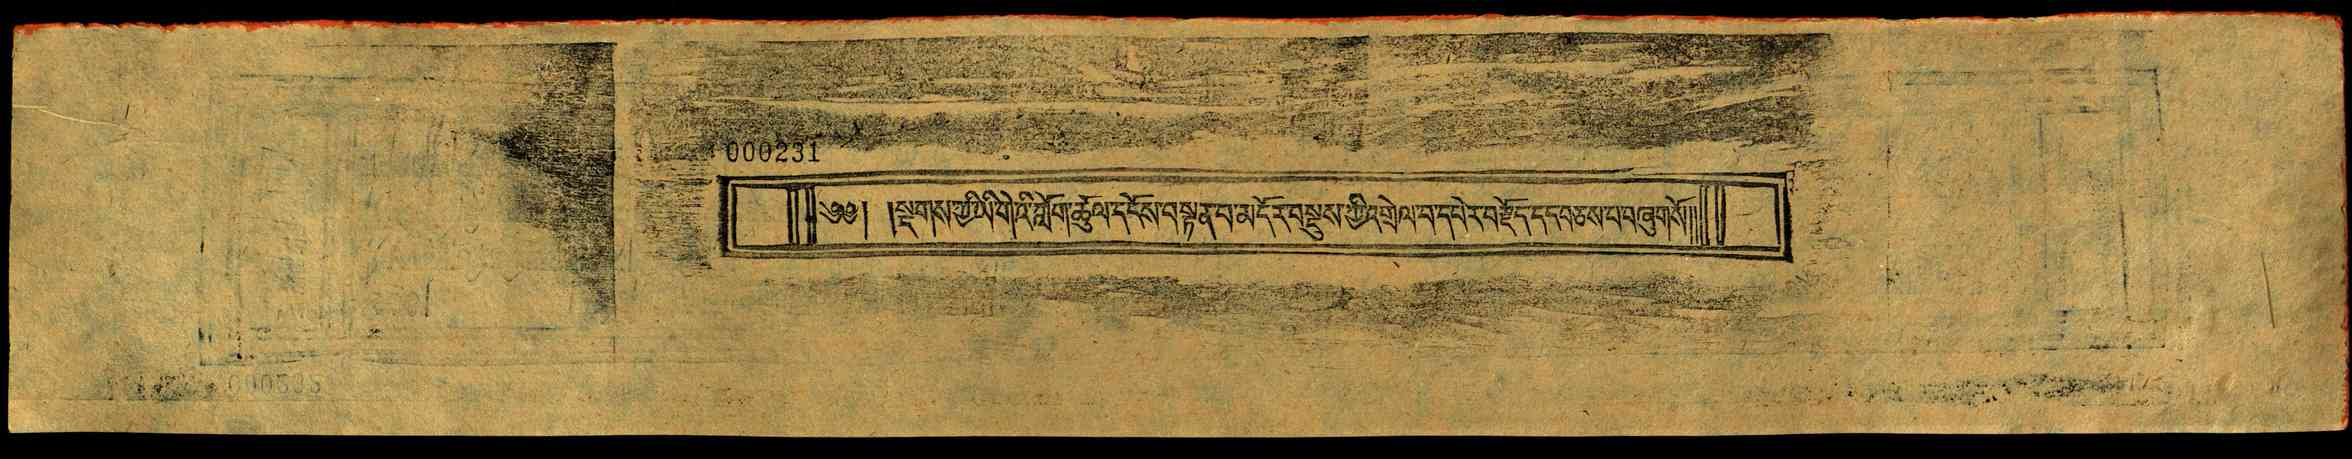༄༅། །སྔགས་ཀྱི་ཡི་གེའི་ཀློག་ཚུལ་དངོས་བསྟན་པ་མདོར་བསྡུས་ཀྱི་འགྲེལ་པ་དཔེར་བརྗོད་དང་བཅས་པ་བཞུགས་སོ།།